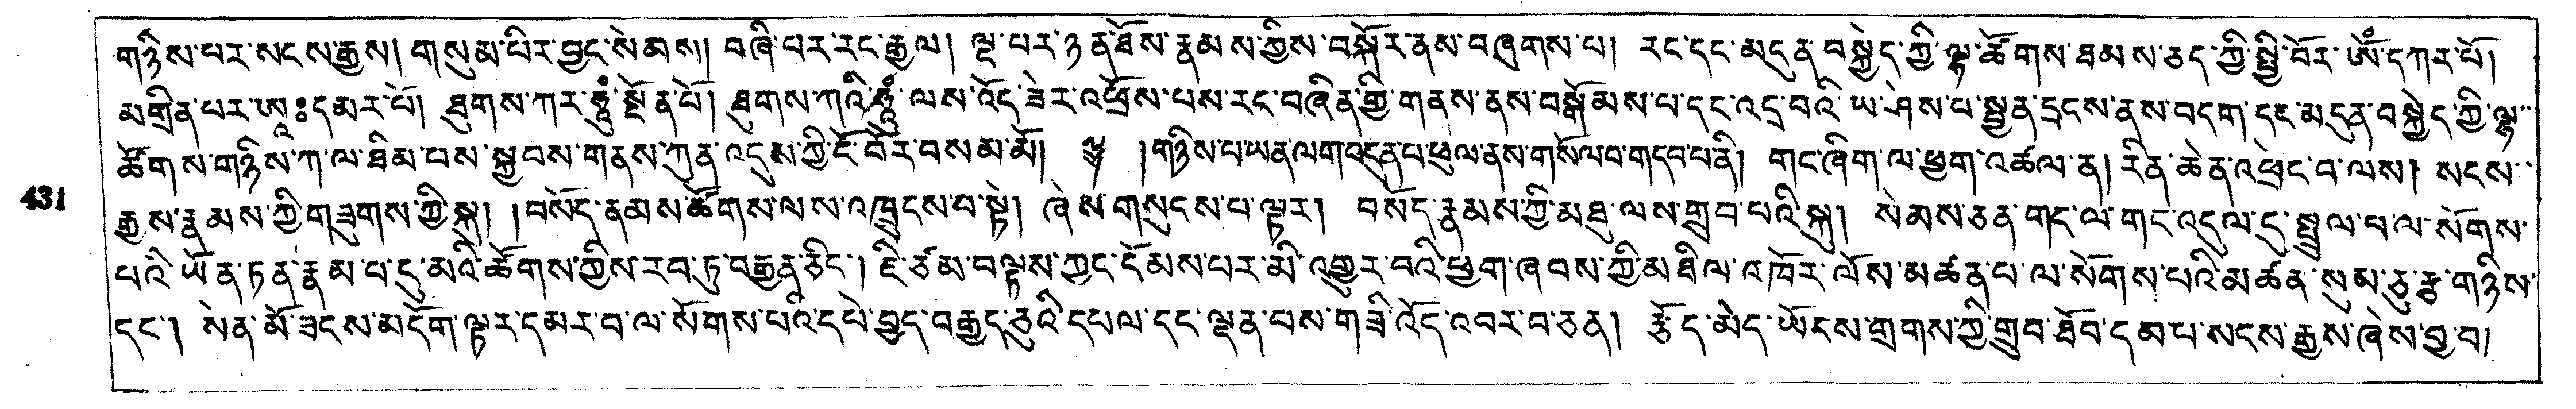གཉིས་པར་སངས་རྒྱས། གསུམ་པིར་བྱང་སེམས། བཞི་པར་རང་རྒྱལ། ལྔ་པར་ཉན་ཐོས་རྣམས་ཀྱིས་བསྐོར་ནས་བཞུགས་པ། རང་དང་མདུན་བསྐྱེད་ཀྱི་ལྷ་ཚོགས་ཐམས་ཅད་ཀྱི་སྤྱི་བོར་ཨོཾ་དཀར་པོ།
མགྲིན་པར་ཨཱཿ དམར་པོ། ཐུགས་ཀར་ཧཱུཾ་སྔོན་པོ། ཐུགས་ཀའི་ཧཱུཾ་ལས་འོད་ཟེར་འཕྲོས་པས་རང་བཞིན་གྱི་གནས་ནས་བསྒོམས་པ་དང་འདྲ་བའི་ཡེ་ཤེས་པ་སྤྱན་དྲངས་ནས་བདག་དང་མདུན་བསྐྱེད་ཀྱི་ལྷ་
ཚོགས་གཉིས་ཀ་ལ་ཐིམ་པས་སྐྱབས་གནས་ཀུན་འདུས་ཀྱི་ངོ་བོར་བསམ་མོ། ༈ །གཉིས་པ་ཡན་ལག་བདུན་པ་ཕུལ་ནས་གསོལ་བ་གདབ་པ་ནི། གང་ཞིག་ལ་ཕྱག་འཚལ་ན། རིན་ཆེན་འཕྲེང་བ་ལས། སངས་
རྒྱས་རྣམས་ཀྱི་གཟུགས་ཀྱི་སྐུ། །བསོད་ནམས་ཚོགས་ལས་འཁྲུངས་པ་སྟེ། ཞེས་གསུངས་པ་ལྟར། བསོད་རྣམས་ཀྱི་མཐུ་ལས་གྲུབ་པའི་སྐུ། སེམས་ཅན་གང་ལ་གང་འདུལ་དུ་སྤྲུལ་པ་ལ་སོགས་
པའི་ཡོན་ཏན་རྣམ་པ་དུ་མའི་ཚོགས་ཀྱིས་རབ་ཏུ་བརྒྱན་ཅིང་། ཇི་ཙམ་བལྟས་ཀྱང་ངོམས་པར་མི་འགྱུར་བའི་ཕྱག་ཞབས་ཀྱི་མཐིལ་འཁོར་ལོས་མཚན་པ་ལ་སོགས་པའི་མཚན་སུམ་ཅུ་རྩ་གཉིས་
དང་། སེན་མོ་ཟངས་མདོག་ལྟར་དམར་བ་ལ་སོགས་པའི་དཔེ་བྱད་བརྒྱད་ཅུའི་དཔལ་དང་ལྡན་པས་གཟི་འོད་འབར་བ་ཅན། རྩོད་མེད་ཡོངས་གྲགས་ཀྱི་གྲུབ་ཐོབ་དམ་པ་སངས་རྒྱས་ཞེས་བྱ་བ།